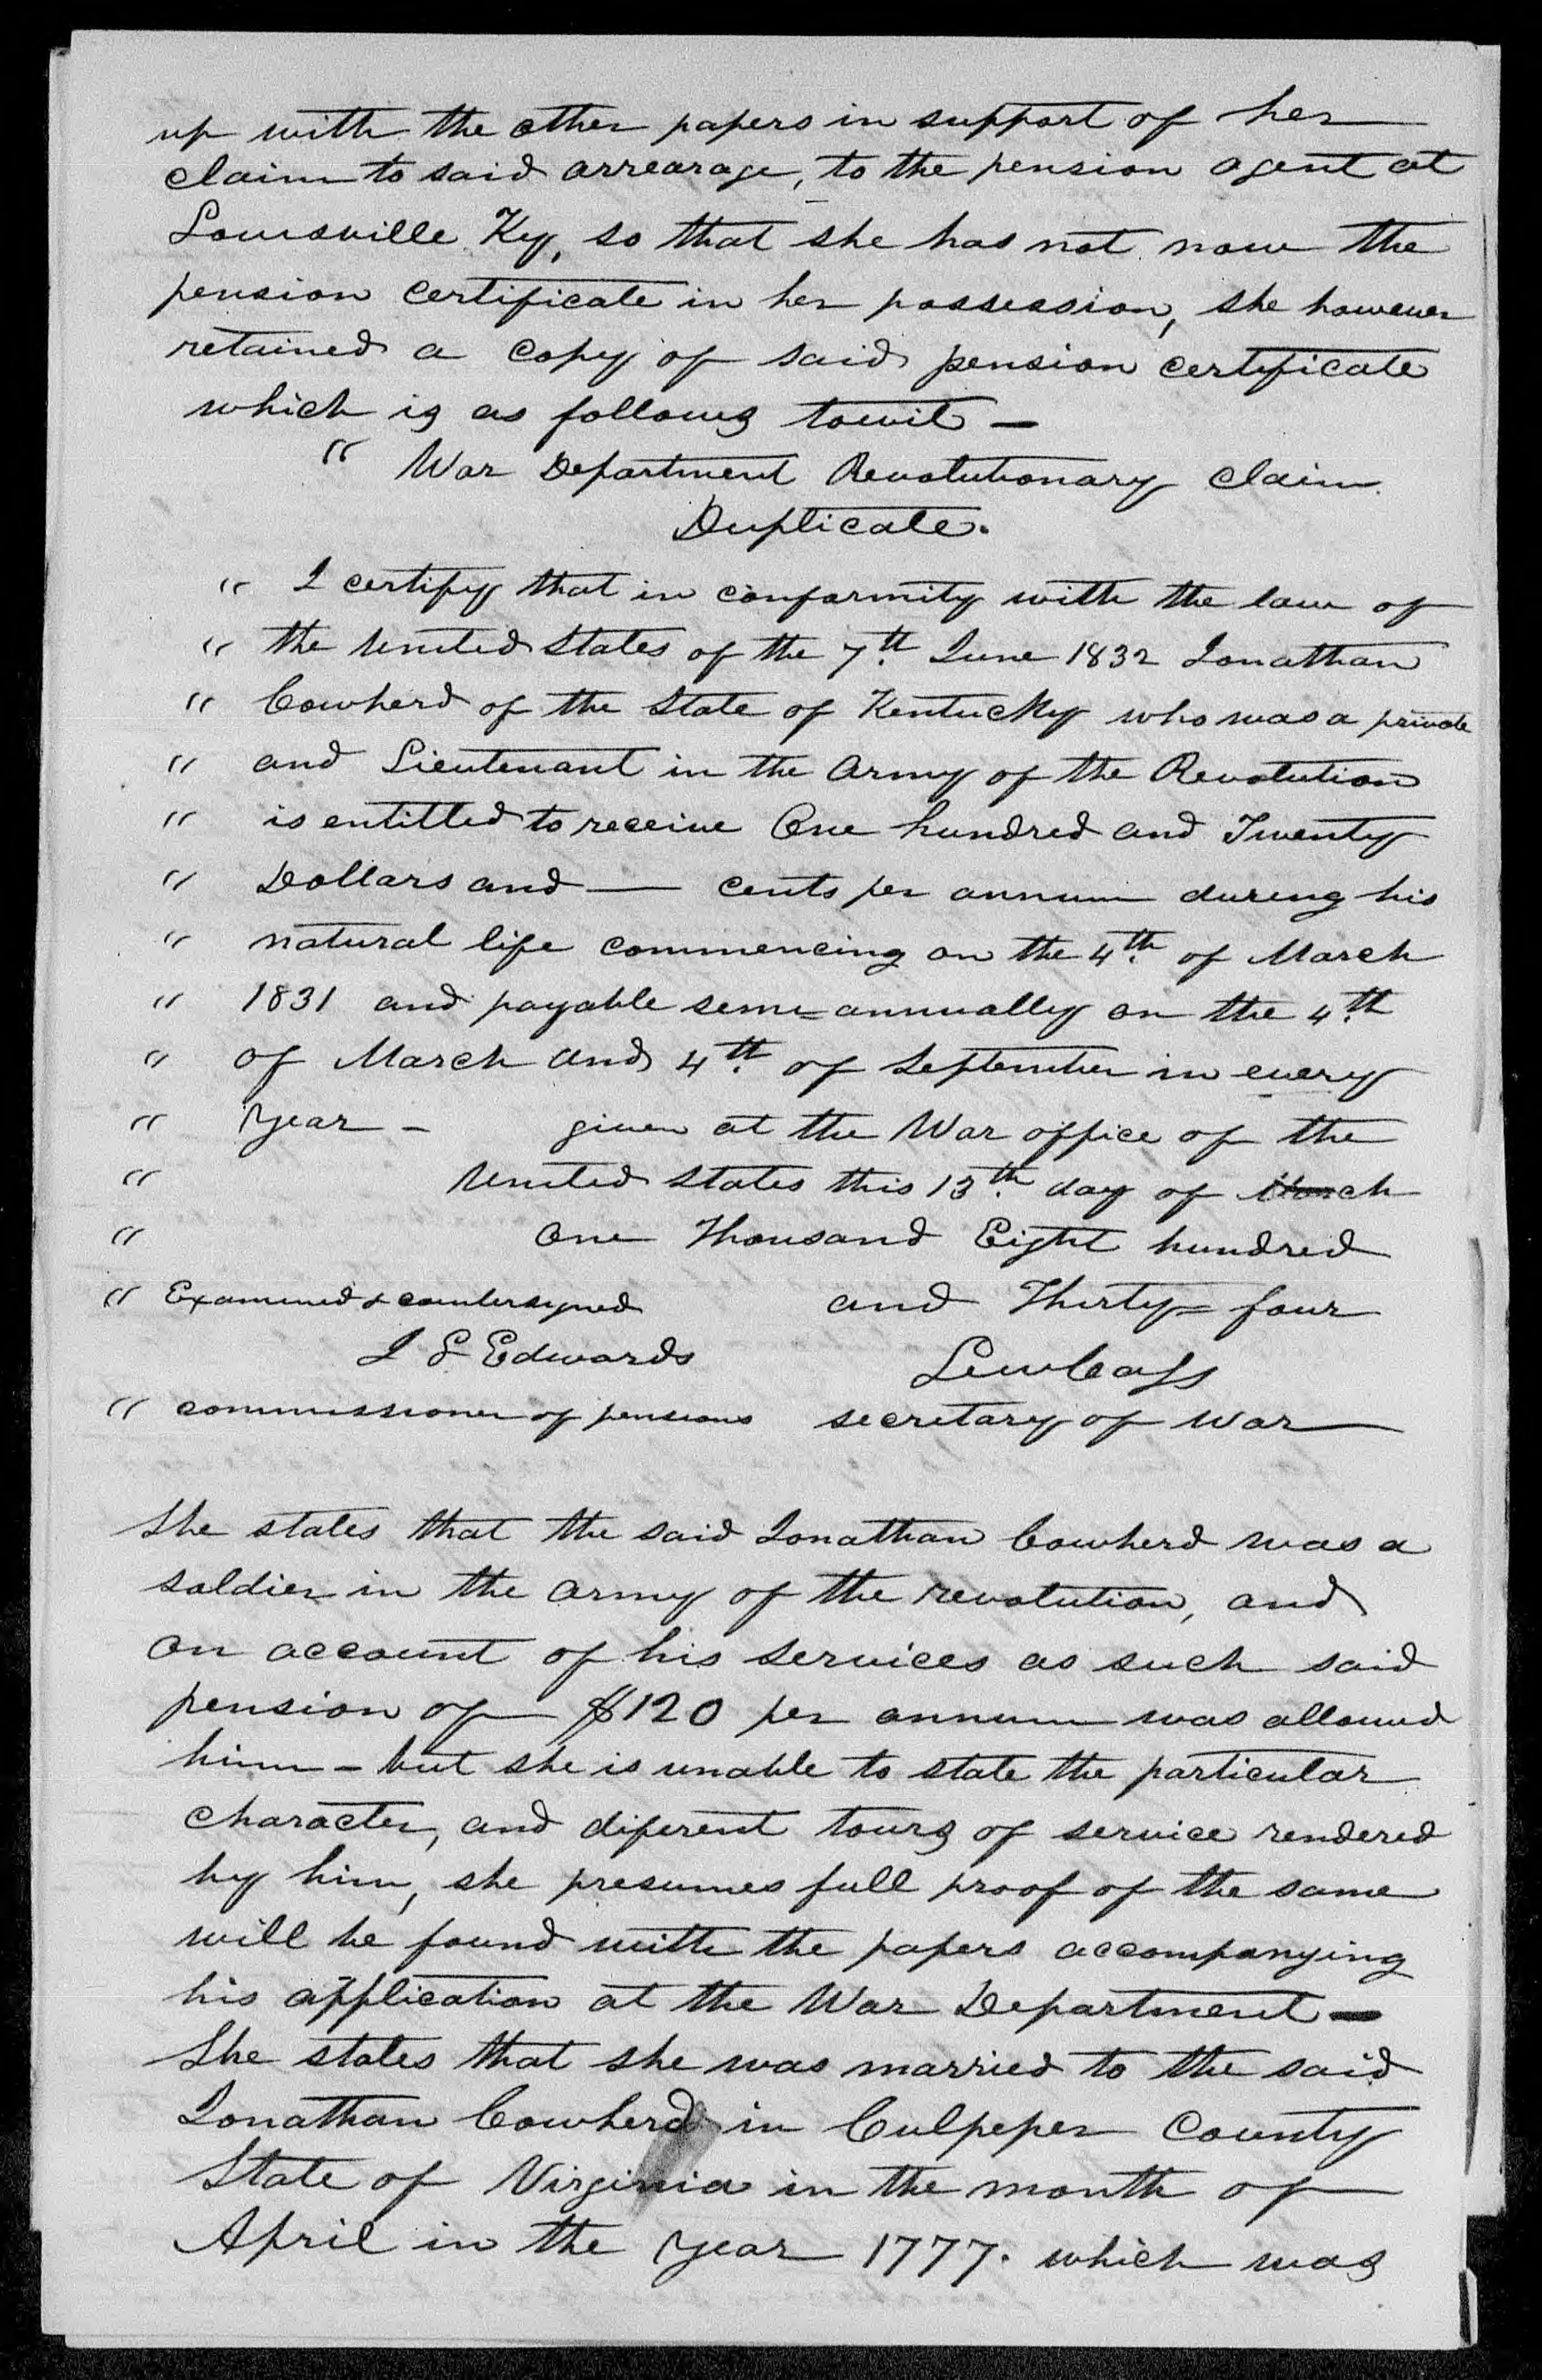up with the other papers in support of her
claim to said arrearage, to the pension agent at Louisville Ky, so that she has not now the
pension certificate in her possession, she however retained a copy of said pension certificate which is as follows to wit-
War Department Revolutionary Claim Duplicate.
I certify that in conformity with the law of
the United States of the 7th June 1832 Jonathan Cowherd of the State of Kentucky who was a private and Lieutenant in the Army of the Revolution is entitled to receive One hundred and Twenty Dollars and - cents per annum during his natural life commencing on the 4th of March 1831 and payable semi annually on the 4th of March and 4th of September in every year given at the War office of the United States this 13th day of March One Thousand Eight hundred and Thirty-four
[ ? ]
Examined & countersigned
J. L. Edwards
Commissioner of Pensions
Secretary of War
she states that the said Jonathan Cowherd was a soldier in the army of the revolution, and
on account of his services as such said
pension of $120 per annum was allowed
him, but she is unable to state the particular
character, and different tours of service rendered by him, she presumes full proof of the same will be found with the papers accompanying his application at the War Department. She states that she was married to the said Jonathan Cowherd in Culpeper County State of Virginia in the month of April in the year 1777, which was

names: J L Edwards, Jonathan Cowherd, Jonathan Cowherd, Jonathan Cowherd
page: 9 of 46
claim: widow's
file: W 8619, Jonathan Cowherd, Va.